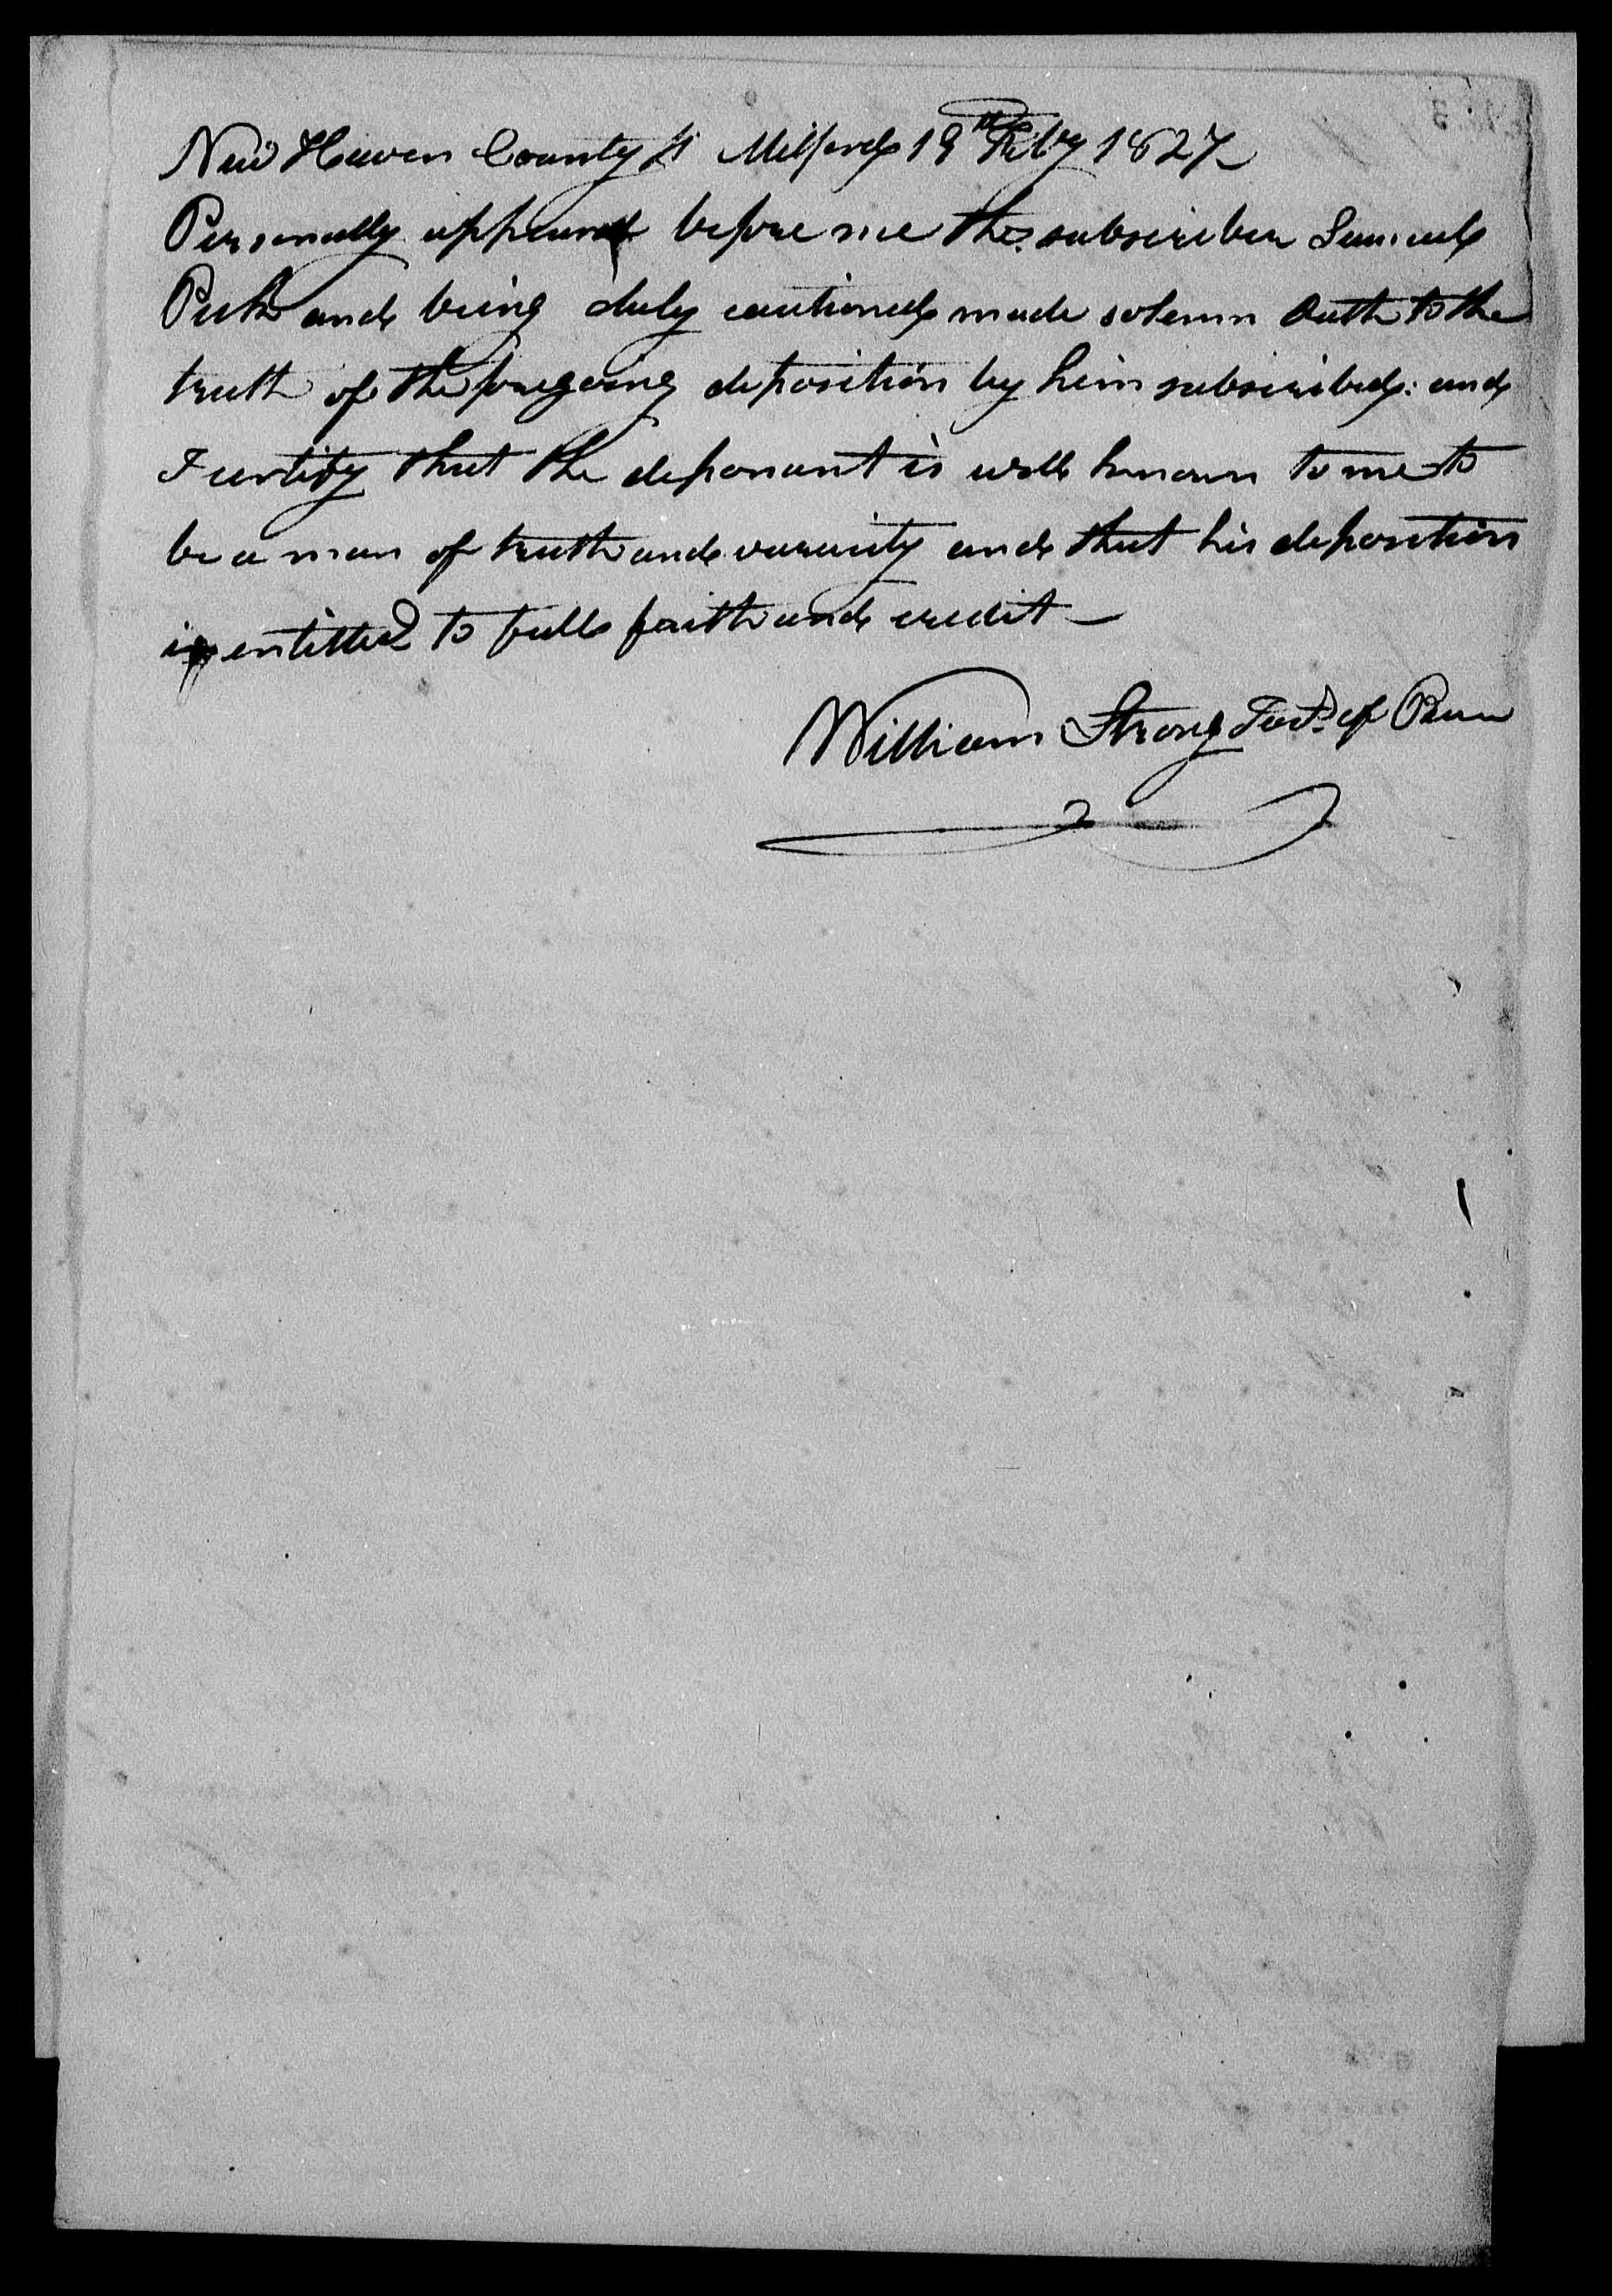New Haven County Milford 13th Feby 1827
Personally appeared before me the subscriber Samuel Peck and being duly cautioned made solemn oath to the truth of the foregoing deposition by him subscribed:  and I certify that the deponent is well known to me to
be a man of truth and veracity and that his deposition is entitled to full faith and credit-
William Strong Justice of Peace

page: 23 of 42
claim: survivor's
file: S. 36,819, for Samuel Stow, Connecticut